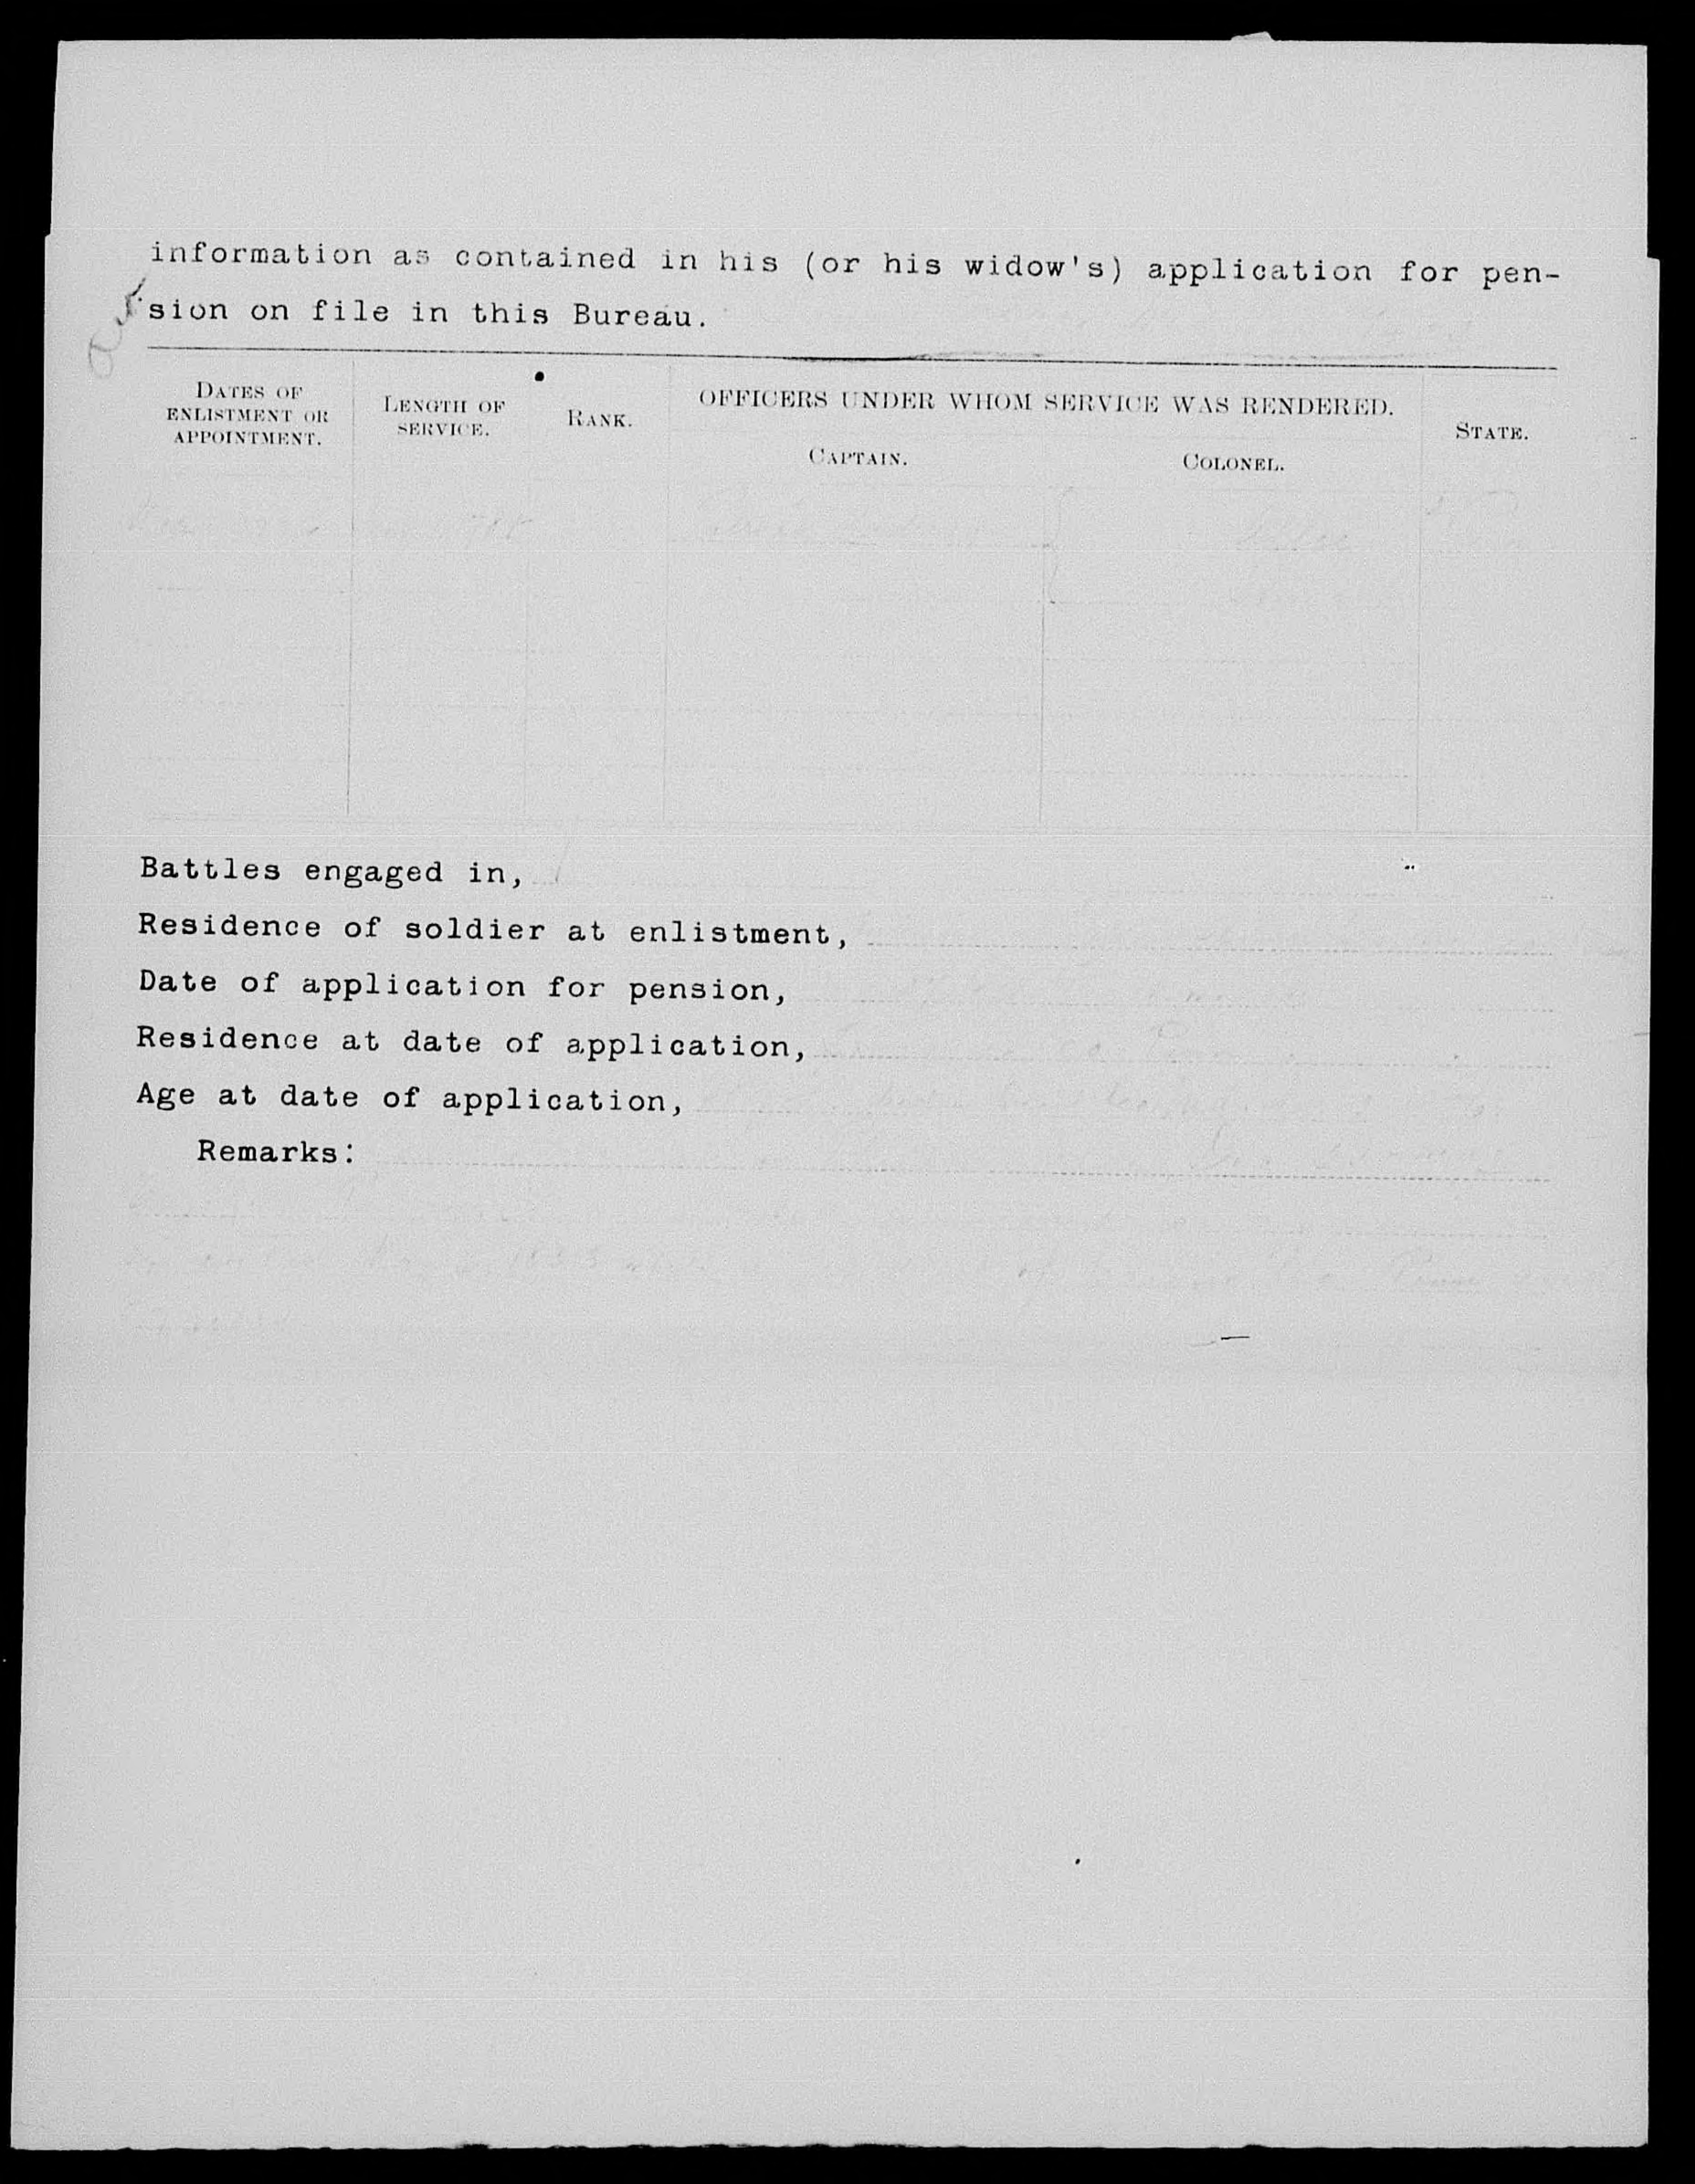information as contained in his (or his widow's) application for pension on file in this Bureau.

Dates of Enlistment or Appointment. | Length of Service. | Rank. | Officers Under Whom Service was Rendered. | State.

Captain. | Colonel.

[illegible] | [illegible] | [illegible] | [illegible] | [illegible} | [illegible]

Battles engaged in, [illegible]
Residence of soldier at enlistment, [illegible]
Date of Application, [illegible]
Age at Date of Application, [illegible]
Remarks: [illegible]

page: 26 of 74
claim: widow's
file: W. 9422, James Edgar, Penn.